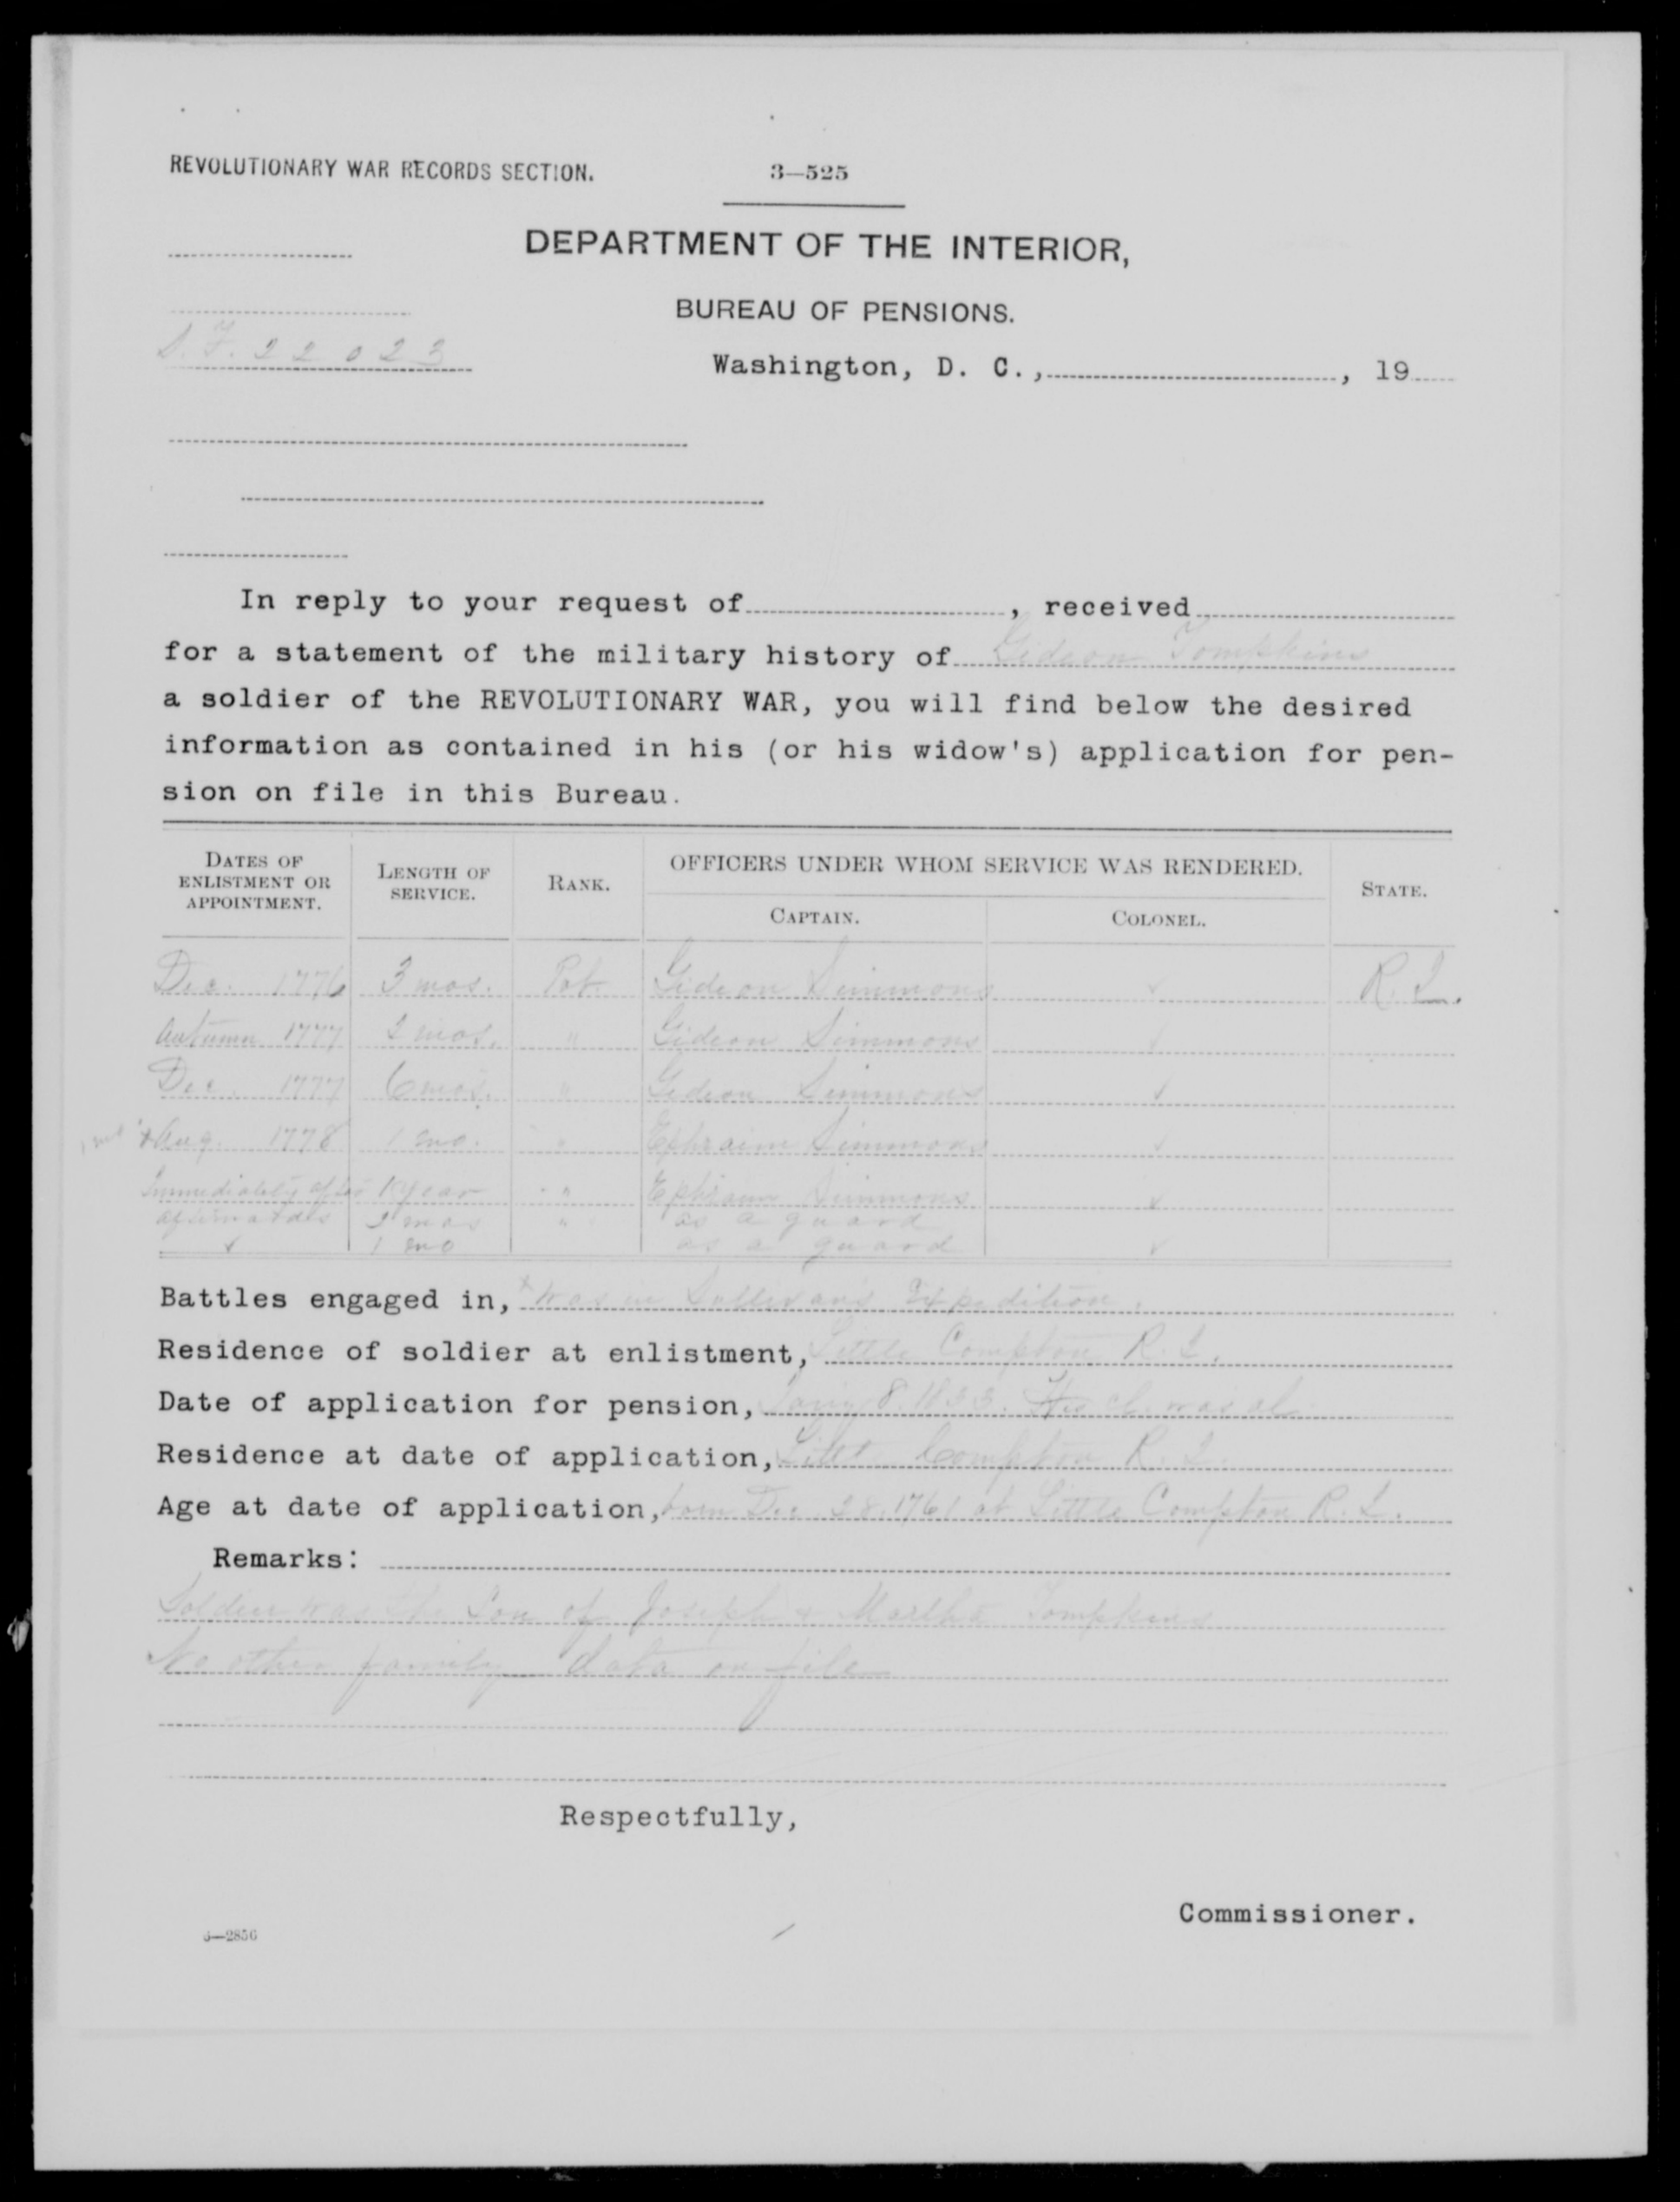REVOLUTIONARY WAR RECORDS SECTION.
3 -- 525
DEPARTMENT OF THE INTERIOR.
BUREAU OF PENSIONS.
Washington, D. C.,
19
S.F. 22023
In reply to your request of         , received
for a statement of the military history of
Gideon Tompkins a soldier of the REVOLUTIONARY WAR, you will find below the desired information as contained in his (or his widow's) application for pension on file in this Bureau.
DATES OF
ENLISTMENT OR
APPOINTMENT.
Dec 1776
Autumn 1777
Dec 1777
May 1778
Immediately after
affirmatals

LENGTH OF
SERVICE.
3 mos.
2 mos.
6 mos.
1 mo
1 year
2 mos
2 mo

RANK.
Pvt.

OFFICERS UNDER WHOM SERVICE WAS RENDERED.

CAPTAIN.

Gideon Simmons
Gideon Simmons
Gideon Simmons
Ephraim Simmons
Ephraim Simmons
Ephraim Simmons
as a guard
as a guard

STATE
R. I.

Battles engaged in, Was in Sullivans Expedition
Residence of soldier at enlistment, Little Compton, R.I.
Date of application for pension, January 8, 1833, His [unintelligible]
Residence at date of application, Little Compton, R.I.
Age at date of application, born Dec 28, 1761 at Little Compton R.I.
Remarks:
Soldier was the son of Joseph & Martha Tompkins
No other family data on file

Respectfully,
Commissioner.

J-2856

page: 14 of 25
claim: survivor's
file: S. 22,023, for Gideon Tompkins, Rhode Island